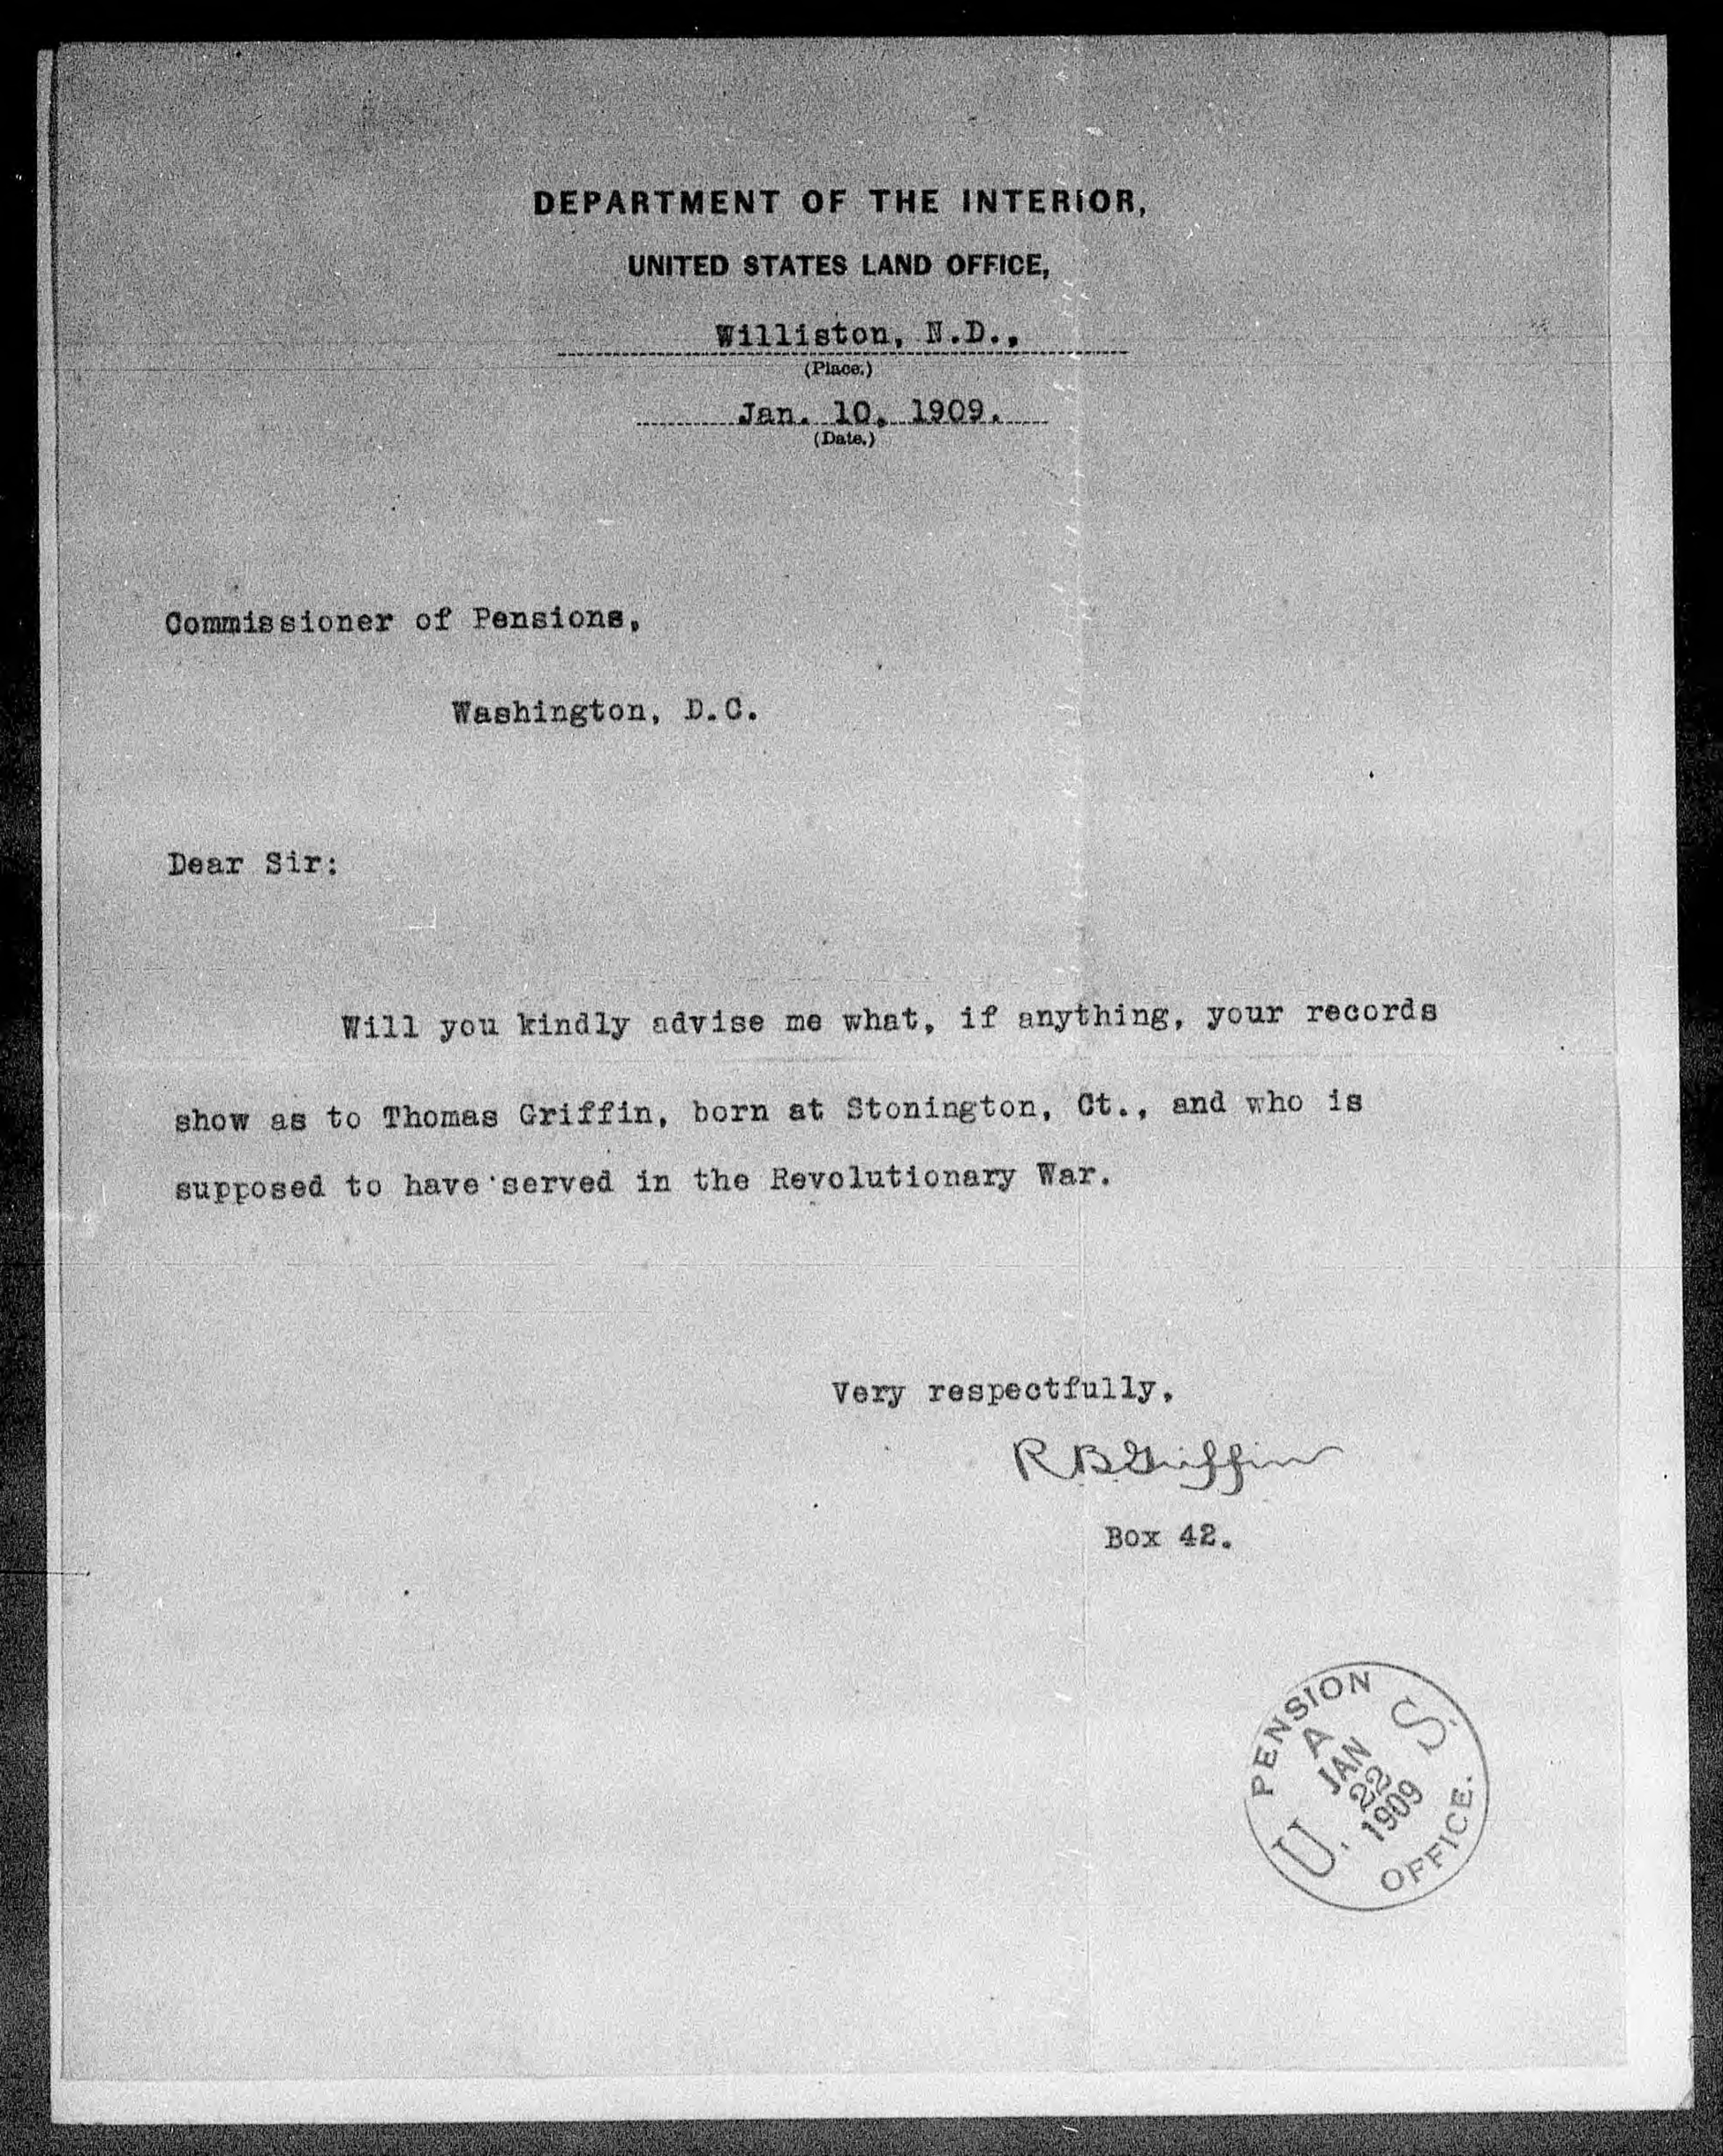Department of the Interior,
United States Land Office,
Williston, N. D.,  (Place)
Jan. 10, 1909. (Date)

Commissioner of Pensions, 

Washington, D.C.

Dear Sir: 

Will you kindly advise me what, if anything, your records show as to Thomas Griffin, born at Stonington, Ct., and who is supposed to have served in the Revolutionary War. 

Very respectfully,
R. B. Griffin
Box 42


Pension Office
A
U.S
Jan 22 1909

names: Thomas Griffin, R B Griffin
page: 57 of 60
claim: widow's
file: W. 19,537, Thomas Griffin, Conn.